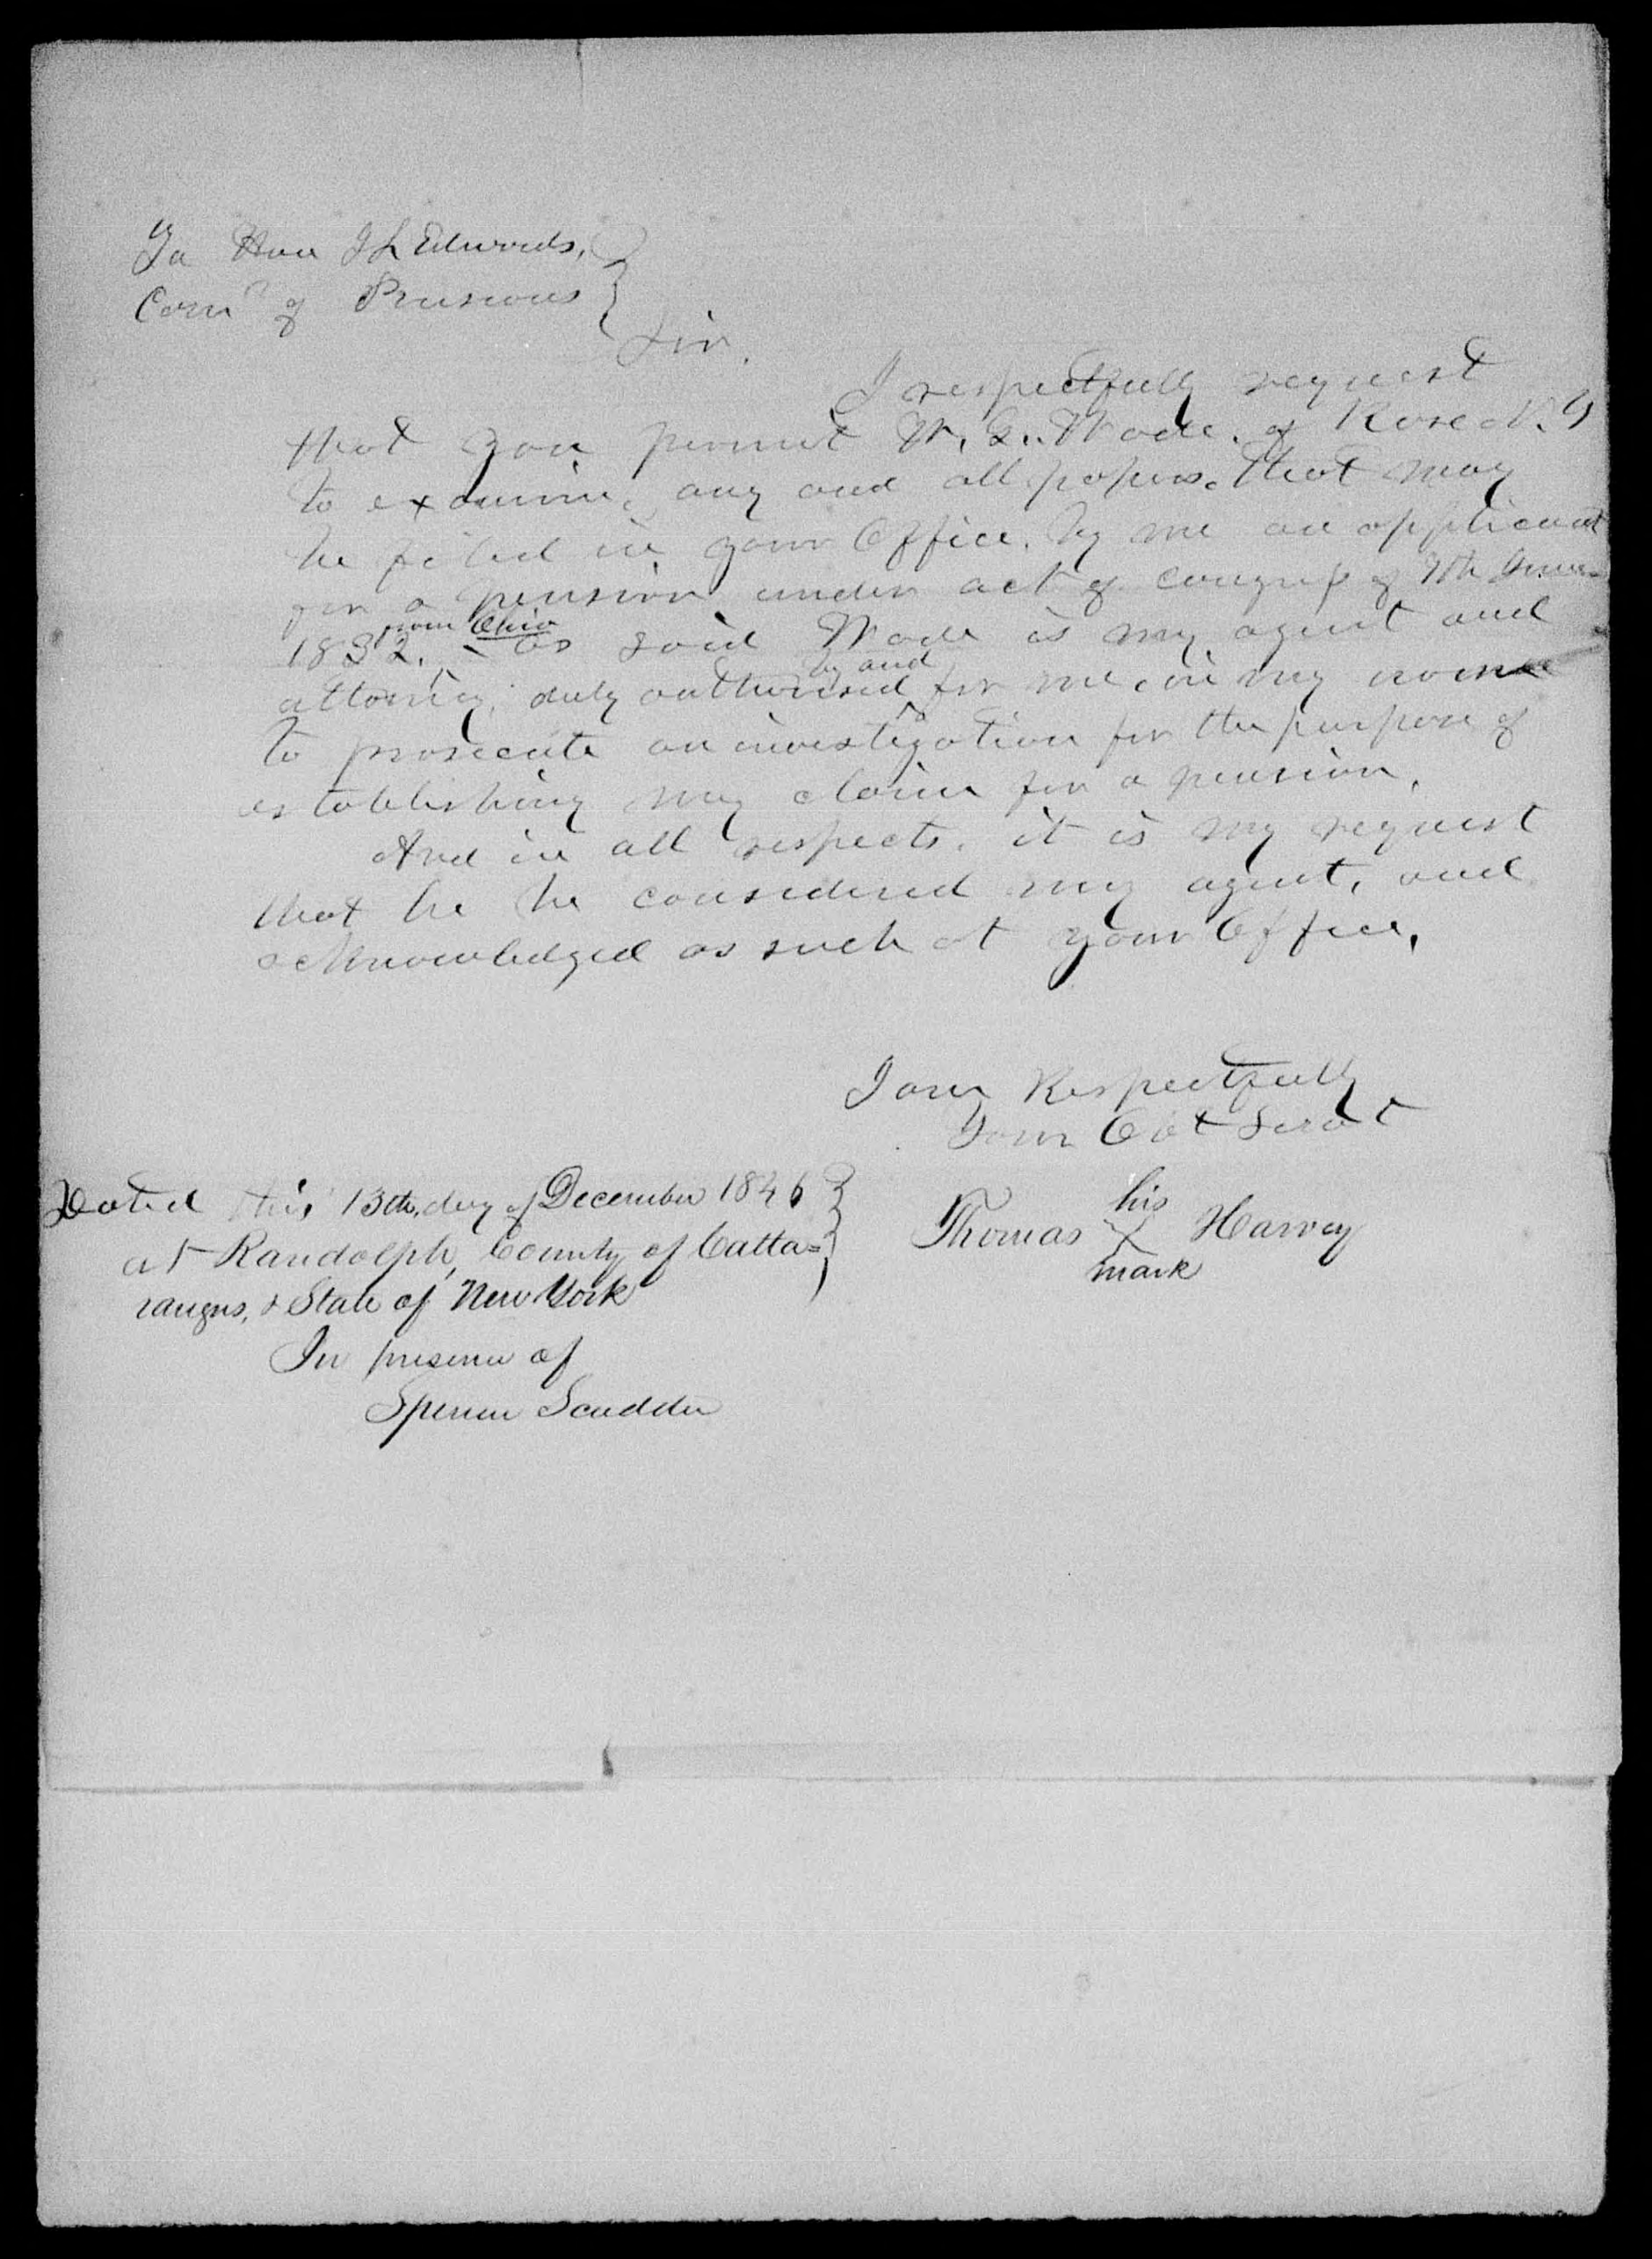[handwritten letter]
To Hon. J. L. Edwards
Com'r of Pensions}
Sir
I respectfully request that  you permit W. G. Wade of Rose N.Y. to examine any and all papers that may be filed in your Office, by me an applicant for a pension under act of Congress of 7th June 1832. from Ohio as said Wade is my agent and attorney, duly authorized by and for me, in my absence to prosecute an investigation for the purpose of establishing my claim for a pension. 
And in all respects, it is my request that he be considered my agent, and acknowledged as such at your Office. 
I am Respectfully Your Obt Serv't
/s/X his mark Thomas Harvey 
Dated this 13th day of December 846 at Randolph, County of Cattaraugus, & State of New York
In presence of Spencer Scudder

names: W G Wade, Spencer Scudder, Wade, Thomas Harvey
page: 56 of 80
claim: survivor's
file: S. 18008, Thomas Harvey, N.H.